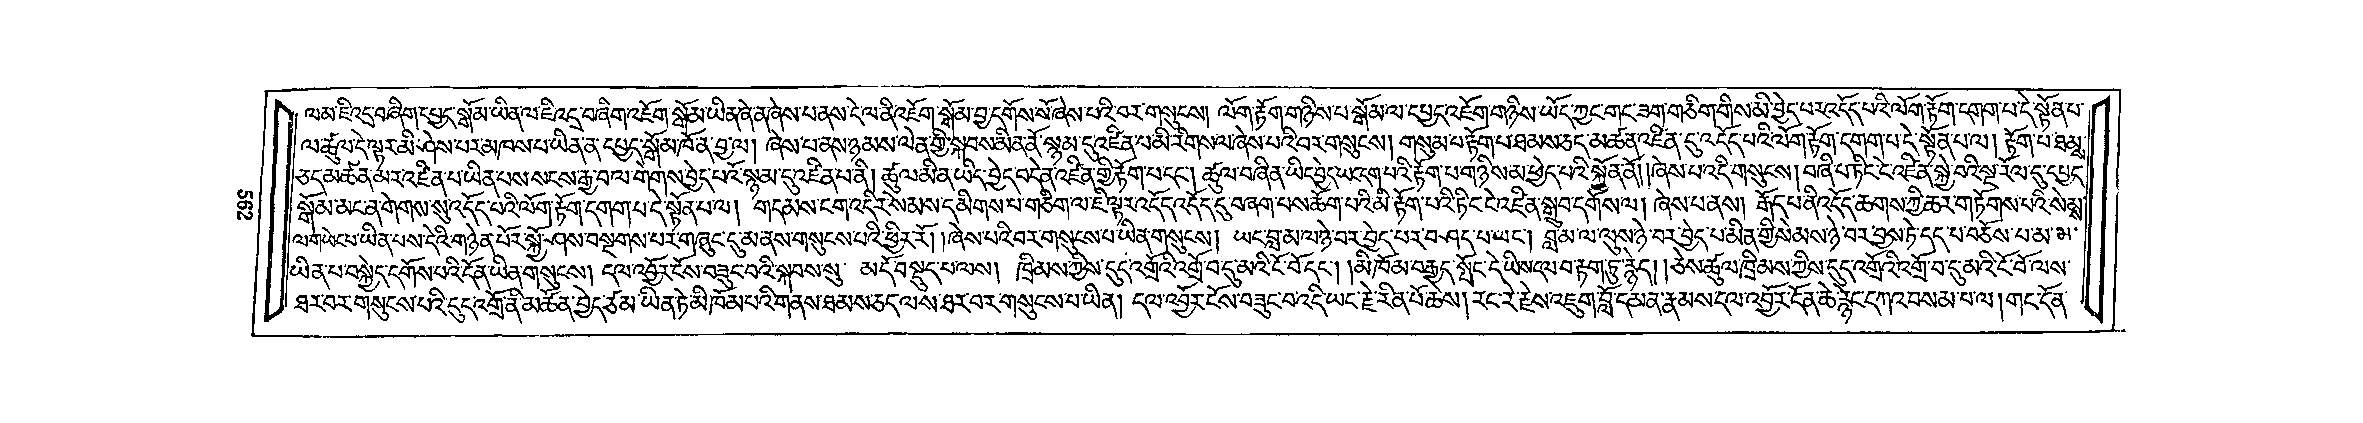ལམ་ཇི་འདྲ་བ་ཞིག་དཔྱད་སྒོམ་ཡིན་ལ་ཇི་འདྲ་བ་ཞིག་འཇོག་སྒོམ་ཡིན་ཞེ་ན་ཞེས་པ་ནས་དེ་ལ་ནི་འཇོག་སྒོམ་བྱ་དགོས་སོ་ཞེས་པའི་བར་གསུངས། ལོག་རྟོག་གཉིས་པ་སྒོམ་ལ་དཔྱད་འཇོག་གཉིས་ཡོད་ཀྱང་གང་ཟག་གཅིག་གིས་མི་བྱེད་པར་འདོད་པའི་ལོག་རྟོག་དགག་པ་དེ་སྟོན་པ་
ལ་ཚུལ་དེ་ལྟར་མི་ཤེས་པར་མཁས་པ་ཡིན་ན་དཔྱད་སྒོམ་ཁོ་ན་བྱ་ལ། ཞེས་པ་ནས་ཉམས་ལེན་གྱི་སྐབས་མིན་ནོ་སྙམ་དུ་འཛིན་པ་མི་རིགས་ལ་ཞེས་པའི་བར་གསུངས། གསུམ་པ་རྟོག་པ་ཐམས་ཅད་མཚན་འཛིན་དུ་འདོད་པའི་ལོག་རྟོག་དགག་པ་དེ་སྟོན་པ་ལ། རྟོག་པ་ཐམས་
ཅད་མཚན་མར་འཛིན་པ་ཡིན་པས་སངས་རྒྱ་བ་ལ་གེགས་བྱེད་པའོ་སྙམ་དུ་འཛིན་པ་ནི། ཚུལ་མིན་ཡིད་བྱེད་བདེན་འཛིན་གྱི་རྟོག་པ་དང་། ཚུལ་བཞིན་ཡིད་བྱེད་ཡང་དག་པའི་རྟོག་པ་གཉིས་མ་ཕྱེད་པའི་སྐྱོན་ནོ། །ཞེས་པ་འདི་གསུངས། བཞི་པ་ཏིང་ངེ་འཛིན་སྐྱེ་བའི་སྔ་རོལ་དུ་དཔྱད་
སྒོམ་མང་ན་གེགས་སུ་འདོད་པའི་ལོག་རྟོག་དགག་པ་དེ་སྟོན་པ་ལ། གདམས་ངག་འདིར་སེམས་དམིགས་པ་གཅིག་ལ་ཇི་ལྟར་འདོད་འདོད་དུ་བཞག་པས་ཆོག་པའི་མི་རྟོག་པའི་ཏིང་ངེ་འཛིན་སྒྲུབ་དགོས་ལ། ཞེས་པ་ནས། རྒོད་པ་ནི་འདོད་ཆགས་ཀྱི་ཆར་གཏོགས་པའི་སེམས་
ལ་གཡེང་པ་ཡིན་པས་དེའི་གཉེན་པོར་སྐྱོ་ཤས་བསྔགས་པར་གཞུང་དུ་མ་ནས་གསུངས་པའི་ཕྱིར་རོ། །ཞེས་པའི་བར་གསུངས་པ་ཡིན་གསུངས། ཡང་བླ་མ་ལ་ཉེ་བར་བྱེད་པར་བཤད་པ་ཡང་། བླ་མ་ལ་ལུས་ཉེ་བར་བྱེད་པ་མིན་གྱི་སེམས་ཉེ་བར་བྱས་ཏེ་དད་པ་བཅོས་པ་མ་མ་
ཡིན་པ་བསྐྱེད་དགོས་པའི་དོན་ཡིན་གསུངས། དལ་འབྱོར་ངོས་བཟུང་བའི་སྐབས་སུ་མདོ་བསྡུད་པ་ལས། ཁྲིམས་ཀྱིས་དུད་འགྲོའི་འགྲོ་བ་དུ་མའི་ངོ་བོ་དང་། །མི་ཁོམ་བརྒྱད་སྤོང་དེ་ཡིས་དལ་བ་རྟག་ཏུ་རྙེད། །ཅེས་ཚུལ་ཁྲིམས་ཀྱིས་དུད་འགྲོའི་འགྲོ་བ་དུ་མའི་ངོ་བོ་ལས་
ཐར་བར་གསུངས་པའི་དུད་འགྲོ་ནི་མཚོན་བྱེད་ཙམ་ཡིན་ཏེ་མི་ཁོམ་པའི་གནས་ཐམས་ཅད་ལས་ཐར་བར་གསུངས་པ་ཡིན། དལ་འབྱོར་ངོས་བཟུང་བ་འདི་ཡང་རྗེ་རིན་པོ་ཆེས། རང་རེ་རྗེས་འཇུག་བློ་དམན་རྣམས་དལ་འབྱོར་དོན་ཆེ་རྙེད་དཀའ་བསམ་པ་ལ། གང་དོན་